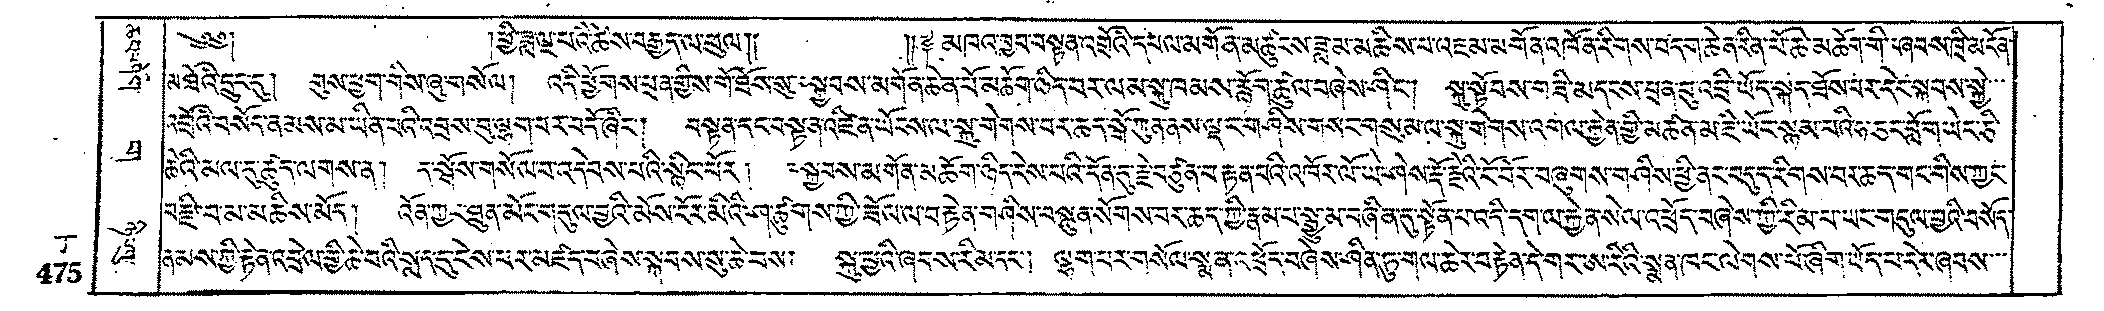༄༅། །ཕྱི་ཟླ་ལྔ་པའི་ཚེས་བརྒྱད་ལ་ཕུལ།། །།འ་མཁའ་ཁྱབ་བསྟན་འགྲོའི་དཔལ་མགོན་མཚུངས་ཟླ་མ་མཆིས་པ་འཇམ་མགོན་འཁོན་རིགས་བདག་ཆེན་རིན་པོ་ཆེ་མཆོག་གི ༧ཞབས་ཁྲི་མངོན་
མཐོའི་དྲུང་དུ། གུས་ཕྱག་གིས་ཞུ་གསོལ། འདི་ཕྱོགས་ཕྲན་གྱིས་གོ་ཐོས་སུ ༧སྐྱབས་མགོན་ཆེན་པོ་མཆོག་ཉིད་བར་ལམ་སྐུ་ཁམས་རྙོག་ཚུལ་བཞེས་ཤིང་། སྐུ་སྟོབས་གཟི་མདངས་ཕྲན་བུ་འབྲི་ཡོད་སྐད་ཐོས་པར་དེང་སྐབས་སྐྱེ་་་
འགྲོའི་བསོད་ནམས་མ་ཡིན་པའི་འབྲས་བུ་ལྷག་པར་བདོ་ཞིང་། བསྟན་དང་བསྟན་འཛིན་ཡོངས་ལ་སྐུ་གེགས་བར་ཆད་སྒོ་ཀུན་ནས་ལྡང་གཤིས་གསང་གསུམ་ལ་སྐུ་གེགས་འགལ་རྐྱེན་གྱི་མཚན་མ་ཇི་ཡོང་སྙམ་པའི་ཧ་ཅང་བློ་གཡེང་ཅི་
ཆེའི་མལ་དུ་ཚུད་ལགས་ན། ད་སྒོས་གསོལ་བ་འདེབས་པའི་སྙིང་པོར། ༧སྐྱབས་མགོན་མཆོག་ཉིད་ངེས་པའི་དོན་དུ་རྗེ་བཙུན་བརྟན་པའི་འཁོར་ལོ་ཡེ་ཤེས་རྡོ་རྗེའི་ངོ་བོར་བཞུགས་གཤིས་ཕྱི་ནང་བདུད་རིགས་བར་ཆད་གང་གིས་ཀྱང་
བརྫི་བ་མ་མཆིས་མོད། འོན་ཀྱང་ཐུན་མོང་གདུལ་བྱའི་མོས་ངོར་མིའི་ཤ་ཚུགས་ཀྱི་ཟོལ་ལ་བརྟེན་གཤིས་བསྙུན་སོགས་བར་ཆད་ཀྱི་རྣམ་པ་སྒྱུ་མ་བཞིན་དུ་སྟོན་པ་འདི་དག་ལ་རྐྱེན་སེལ་འཕྲོད་བཞེས་ཀྱི་རིམ་པ་ཡང་གདུལ་བྱའི་བསོད་
ནམས་ཀྱི་རྟེན་འབྲེལ་གྱི་ཆེ་བའི་སླད་དུ་ངེས་པར་མཛད་བཞེས་སྐབས་སུ་ཆེ་བས། སྐུ་ཕྱའི་ཞབས་རིམ་དང་། ལྷག་པར་གསོལ་སྨན་འཕྲོད་བཞེས་ཤིན་ཏུ་གལ་ཆེར་བརྟེན་དེ་གར་ཨ་རིའི་སྨན་ཁང་ལེགས་པོ་ཞིག་ཡོད་པ་དེར་ཞབས་་་